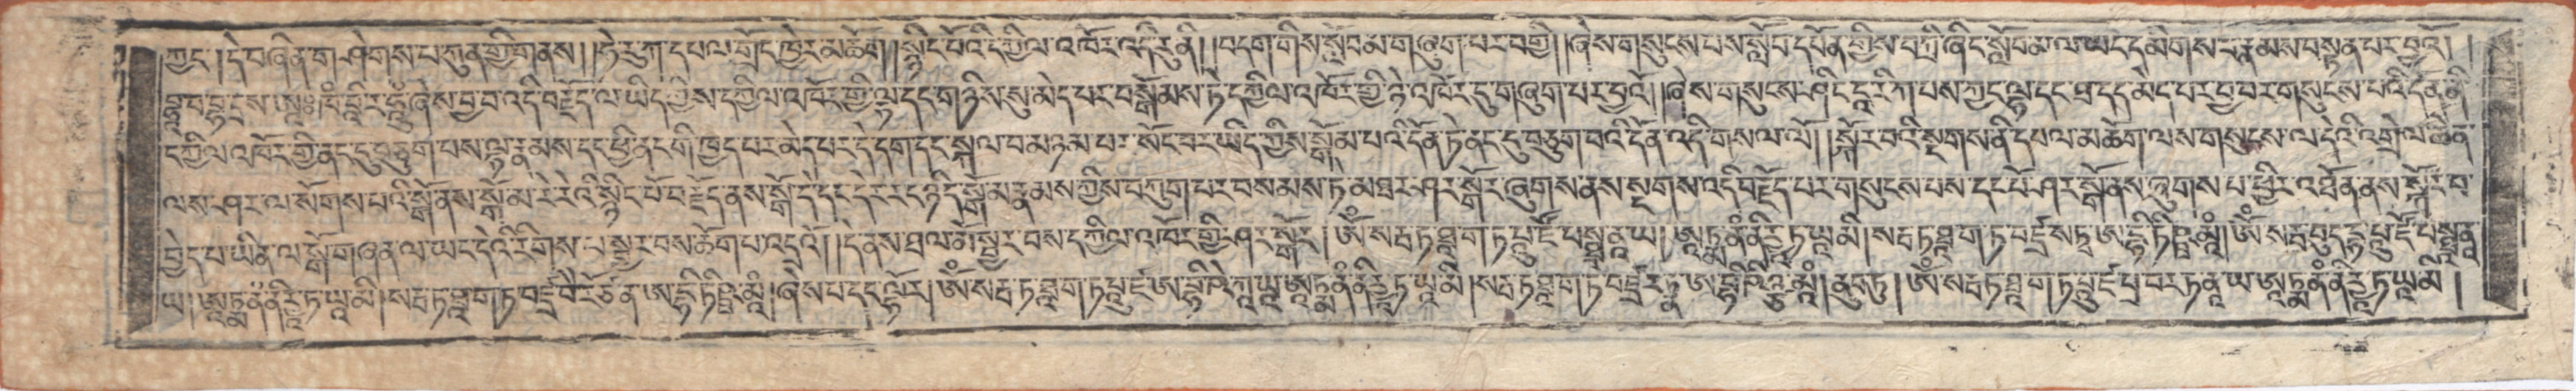ཀྱང་། དེ་བཞིན་གཤེགས་པ་ཀུན་གྱི་གནས། །ཧེ་རུ་ཀ་དཔལ་གྲོང་ཁྱེར་མཆོག །སྙིང་པོའི་དཀྱིལ་འཁོར་འདི་རུ་ནི། །བདག་གིས་སློབ་མ་གཞུག་པར་བགྱི། །ཞེས་གསུངས་པས་སློབ་དཔོན་གྱིས་བཀྲི་ཞིང་སློབ་མ་ལ་ཡང་དམིགས་པ་རྣམས་བསྟན་པར་བྱའོ། །
བྷཱ་བ་བྷ་དྲས་ཨཱཿ ཁཾ་བཱི་ར་ཧཱུཾ་ཞེས་བྱ་བ་འདི་བརྗོད་ལ་ཡིད་ཀྱིས་དཀྱིལ་འཁོར་གྱི་ལྷ་དང་གཉིས་སུ་མེད་པར་བསྒོམས་ཏེ་དཀྱིལ་འཁོར་གྱི་ཉེ་འཁོར་དུ་གཞུག་པར་བྱའོ། །ཞེས་གསུངས་ཤིང་དཱ་རི་ཀ་པས་ཀྱང་ལྷ་དང་ཐ་དད་མེད་པར་བྱ་བར་གསུངས་པའི་དོན་ནི་
དཀྱིལ་འཁོར་གྱི་ནང་དུ་བཅུག་པས་ལྷ་རྣམས་དང་ཕྱི་ནང་གི་ཁྱད་པར་མེད་པར་དེ་དག་དང་སྐལ་བ་མཉམ་པར་སོང་བར་ཡིད་ཀྱིས་སྒོམ་པའི་དོན་ཏེ་ནང་དུ་བཅུག་པའི་དོན་འདི་གསལ་ལོ། །སྐོར་བའི་སྔགས་ནི་དཔལ་མཆོག་ལས་གསུངས་ལ་དེའི་འགྲེལ་ཆེན་
ལས་ཤར་ལ་སོགས་པའི་སྒོ་ནས་སྒོ་མ་རེ་རེའི་སྙིང་པོ་བརྗོད་ནས་སྒོ་དེ་དང་དེར་རང་ཉིད་སྒོ་མ་རྣམས་ཀྱིས་བཀུག་པར་བསམས་ཏེ་མཐར་ཤར་སྒོར་ཞུགས་ནས་སྔགས་འདི་བརྗོད་པར་གསུངས་པས་དང་པོ་ཤར་སྒོ་ནས་ཞུགས་པ་ཕྱིར་འཐོན་ནས་སྐོར་བ་
བྱེད་པ་ཡིན་ལ་སྒོ་གཞན་ལ་ཡང་དེའི་རིགས་པ་སྦྱར་བས་ཆོག་པ་འདྲའོ། །དེ་ནས་ཐལ་མོ་སྦྱར་བས་དཀྱིལ་འཁོར་གྱི་ཤར་སྒོར། ཨོཾ་སརྦ་ཏ་ཐཱ་ག་ཏ་པཱུ་ཛོ་པསྠཱ་ནཱ་ཡ། ཨཱཏྨ་ནཾ་ནིརྱཱ་ཏ་ཡཱ་མི། སརྦ་ཏ་ཐཱ་ག་ཏ་བཛྲ་སཏྭ་ཨ་དྷི་ཏིཥཊཿཨ་མའཾ། ཨོཾ་སརྦ་བུད་དྷ་པཱུ་ཛོ་པསྠཱ་ནཱ་
ཡ། ཨཱཏྨ་ནཾ་ནིརྱཱ་ཏ་ཨཱ་མི། སརྦ་ཏ་ཐཱ་ག་ཏ་བཛྲ་བཻ་རོ་ཙ་ན་ཨ་དྷི་ཏིཥཊཿཨ་མའཾ། ཞེས་པ་དང་ལྷོར། ཨོཾ་སརྦ་ཏ་ཐཱ་ག་ཏ་པཱུ་ཛ་ཨ་བྷི་ཥེ་ཀཱ་ཡཱ་ཨཱཏྨ་ནཾ་ནིརྱཱ་ཏ་ཡཱ་མི། སརྦ་ཏ་ཐཱ་ག་ཏ་བཛྲ་རཏྣ་ཨ་བྷི་ཥིཉྩ་མའཾ། ནུབ་ཏུ། ཨོཾ་སརྦ་ཏ་ཐཱ་ག་ཏ་པཱུ་ཛ་པྲ་བར་ཏ་ནཱ་ཡ་ཨཱཏྨ་ནཾ་ནིརྱཱ་ཏ་ཡཱ་མི།